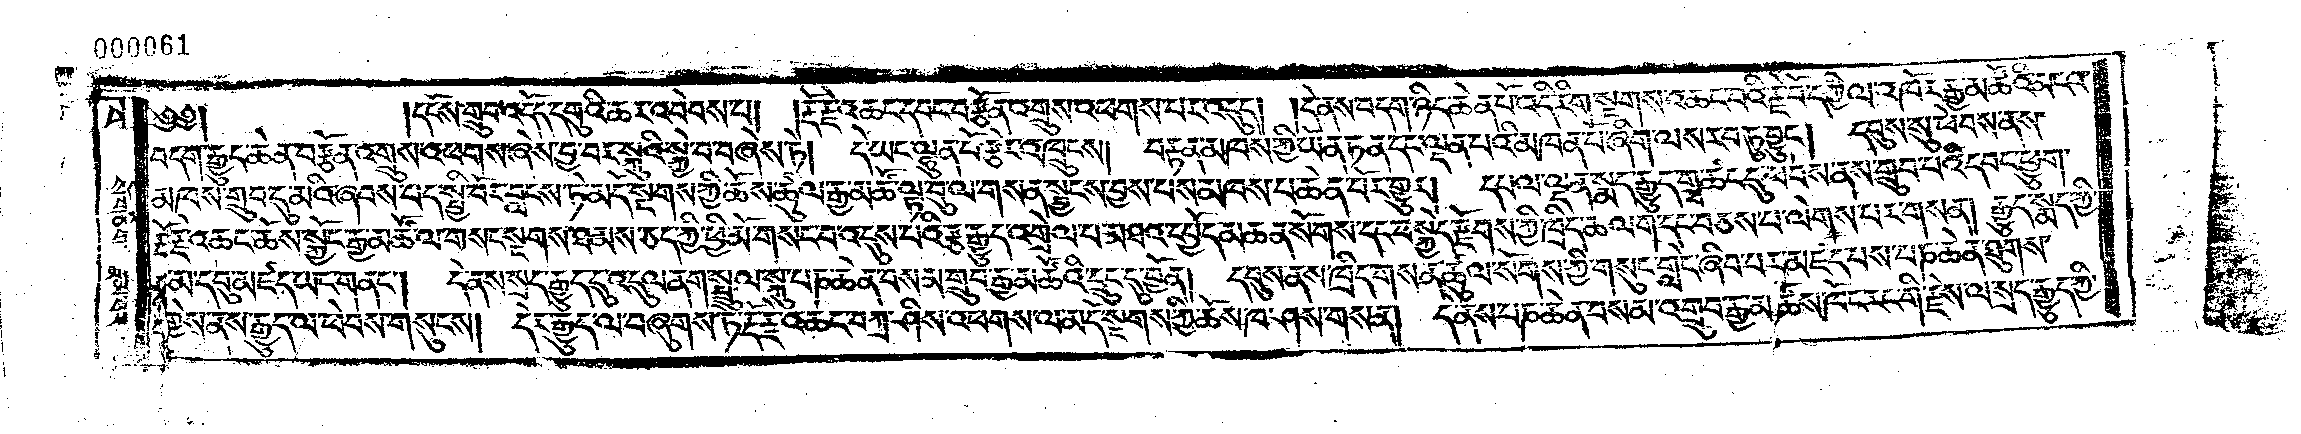༄༅། །དངོས་གྲུབ་འདོད་དགུའི་ཆར་འབེབས་པ། །རྡོ་རྗེ་འཆང་དབང་བརྩོན་འགྲུས་འཕགས་པར་འདུད། །དེ་ནས་བདག་ཉིད་ཆེན་པོ་འདི་རིག་སྔགས་འཆང་པའི་རྗེ་བོ་དཀྱིལ་འཁོར་རྒྱ་མཚོའི་མངའ་
བདག་རྒྱུད་ཆེན་བརྩོན་འགྲུས་འཕགས་ཞེས་བྱ་བར་སྐུའི་སྐྱེ་བ་བཞེས་ཏེ། དེ་ཡང་ལྷུན་པོ་རྩེར་འཁྲུངས། བརྟན་མཁས་ཀྱི་ཡོན་ཏན་དང་ལྡན་པའི་མཁན་པོ་ཞིག་ལས་རབ་ཏུ་བྱུང་། དབུས་སུ་ཕེབས་ནས་
མཁས་གྲུབ་དུ་མའི་ཞབས་པད་སྤྱི་བོར་བླངས་ཏེ་མདོ་སྔགས་ཀྱི་ཆོས་ཚུལ་རྒྱ་མཚོ་ལྟ་བུ་ལ་གསན་སྦྱངས་བྱས་པས་མཁས་པ་ཆེན་པོར་གྱུར། དཔལ་ལྡན་སྨད་རྒྱུད་གྲྭ་ཚང་དུ་ཕེབས་ནས་གྲུབ་པའི་དབང་ཕྱུག་
རྡོ་རྗེ་འཆང་ཆོས་སྐྱོང་རྒྱ་མཚོ་ལ་གསང་སྔགས་ཐམས་ཅད་ཀྱི་ཕྱི་མོ་གསང་བ་འདུས་པའི་རྩ་རྒྱུད་འགྲེལ་པ་མཐའ་དཔྱོད་མཆན་སོགས་དང་བསྐྱེད་རྫོགས་ཀྱི་ཁྲིད་ཆ་ལག་དང་བཅས་པ་ལེགས་པར་གསན། རྒྱུད་སྨད་ཀྱི་
བླ་མ་དབུ་མཛད་ཡང་གནང་། དེ་ནས་སྲད་རྒྱུད་དུ་འདུལ་ནག་སྤྲུལ་སྐུ་པཎ་ཆེན་བསམ་གྲུབ་རྒྱ་མཚོའི་དྲུང་དུ་བྱོན། དབུས་ནས་ཁྲིད་གསན་ཚུལ་སོགས་ཀྱི་གསུང་གླེང་ཞིབ་པར་མཛད་པས་པཎ་ཆེན་ཐུགས་
དགྱེས་ནས་རྒྱུད་ལ་ཕེབས་གསུངས། དེར་རྒྱུད་ལ་བཞུགས་ཏེ་རྡོ་རྗེ་འཆང་བཀྲ་ཤིས་འཕགས་ལ་མདོ་སྔགས་ཀྱི་ཆོས་ཁ་ཤས་གསན། དེ་ནས་པཎ་ཆེན་བསམ་འགྲུབ་རྒྱ་མཚོས་ཁོང་རང་གི་རྗེས་ལ་སྲད་རྒྱུད་ཀྱི་